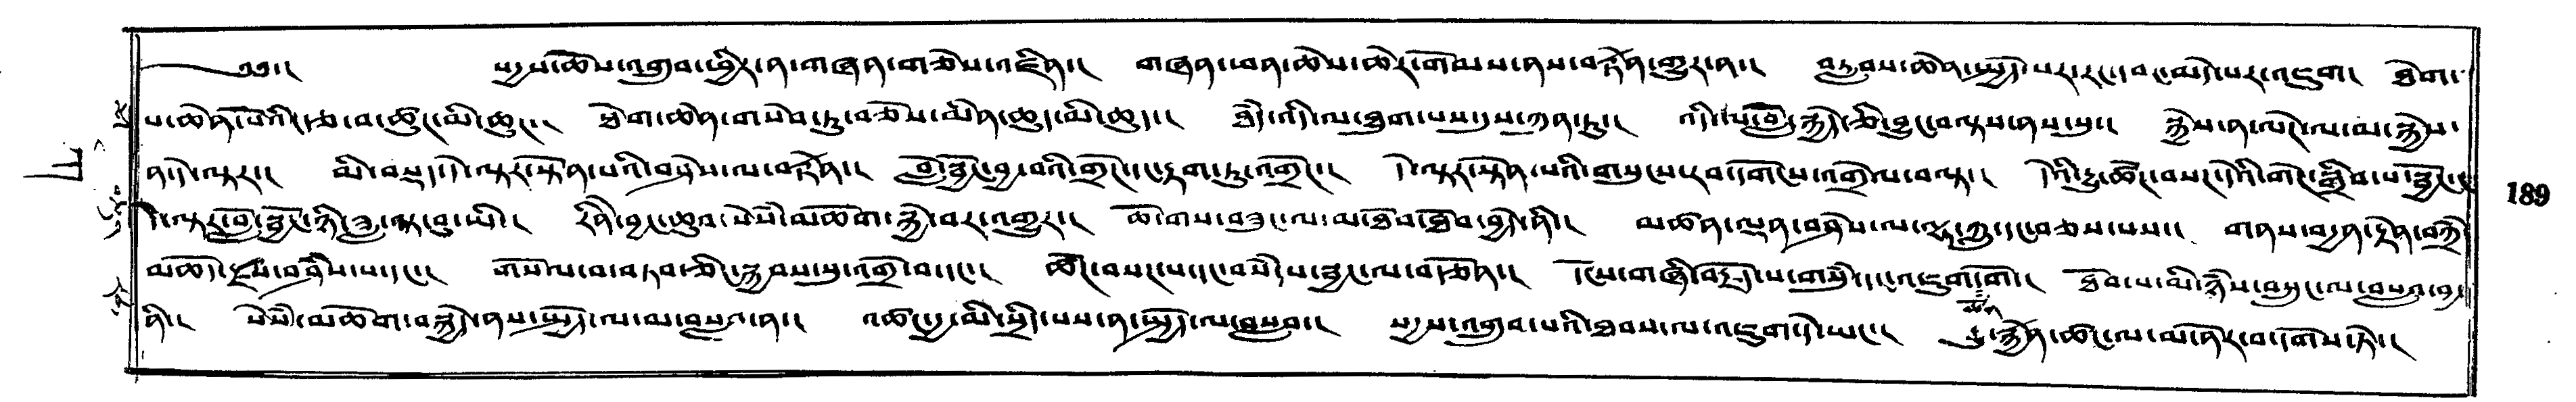།སངས་རྒྱས་ཆོས་འགྲུབ་ཕྱིར་ན་གཞན་གཅེས་འཛིན། །གཞན་ཕན་ཆེས་ཆེར་གོམས་ནས་བརྟེན་གྱུར་ན། །བརླབས་ཆེན་སྤྱོད་པར་རང་དབང་མེད་པར་འཇུག །ཐེག་
པ་ཆེན་པོའི་རྩ་བ་ཚུགས་མི་ཆུགས། །ཐེག་ཆེན་གསེབ་ཏུ་བཅོས་མིན་ཆུད་མི་ཆུད། །ཐམས་ཅད་འདི་ལ་ཐུག་པས་དུས་ཀུན་ཏུ། །འདི་ལ་བློ་སྐྱེད་ཅི་བྱུང་བལྟས་ནས་སུ། །སྐྱེས་ན་ལེགས་ལ་མ་སྐྱེས་
ན་དེ་ལྟར། །མི་བསྡད་དེ་ལྟར་སྟོན་པའི་བཤེས་ལ་བརྟེན། །བློ་སྦྱོང་བྱ་བའི་གྲོགས་དང་རྟག་ཏུ་འགྲོགས། །དེ་ལྟར་སྟོན་པའི་གསུང་རབ་དགོངས་འགྲེལ་བལྟ། །དེའི་རྒྱུ་ཚོགས་བསགས་དེའི་གེགས་སྒྲིབ་པ་སྦྱོང་། །
དེ་ལྟར་བློ་སྦྱོང་ཉི་ཟླ་ལྟ་བུ་ཡིས། །རིན་ཆེན་བྱང་ཆུབ་སེམས་མཆོག་སྐྱེ་བར་འགྱུར། །ཆོ་གས་བཟུང་ལ་མ་ཐོབ་འཐོབ་བྱེད་ནི། །མཚན་ལྡན་བཤེས་ལ་ལྷ་ཀླུ་དང་བཅས་པས། །གནས་བརྒྱན་རྟེན་བཀྲམ་
མཆོད་རྫས་བཤམས་པ་དང་། །གསོལ་བ་བཏབ་ཅིང་སྐྱབས་སུ་འགྲོ་བ་དང་། །ཚོགས་བསགས་པ་དང་བསམ་པ་སྦྱང་ལ་བརྩོན། །དངོས་བཞི་བརྗོད་པ་གསུམ་དང་འཇུག་ཆོག་གོ།ཐོབ་པ་མི་ཉམས་བསྲུང་ལ་བསླབ་བྱ་
ནི། །སེམས་མཆོག་བསྐྱེད་ནས་སྤྱོད་ལ་མ་བསླབ་ན། །འཚང་རྒྱ་མི་སྲིད་པས་ན་སྤྱོད་ལ་བསླབ། །སངས་རྒྱས་འགྲུབ་པའི་ཐབས་ལ་འཇུག་དེ་ཡང་། །རྒྱུ་རྐྱེན་ཚང་ལ་མ་ནོར་བ་དགོས་ཏེ། །